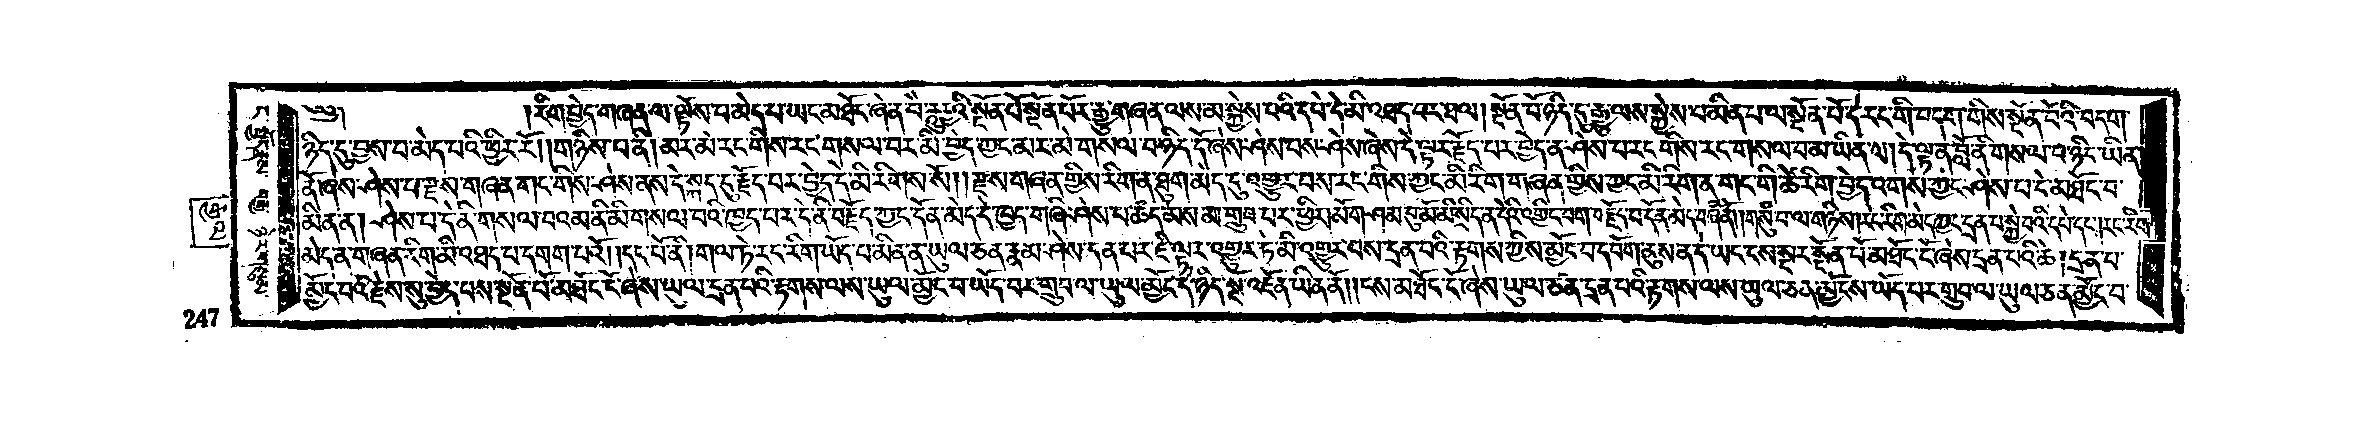༄༅། །རིག་བྱེད་གཞན་ལ་ལྟོས་པ་མེད་པ་ཡང་མཐོང་ཞེ་ན་བཻ་ཌཱུ་རྱའི་སྔོན་པོ་སྔོན་པར་རྒྱུ་གཞན་ལས་མ་སྐྱེས་པའི་དཔེ་དེ་མི་འཐད་པར་ཐལ། སྔོན་པོ་ཉིད་དུ་རྒྱུ་ལས་སྐྱེས་པ་མིན་པ་ལ་སྔོན་པོ་དེ་རང་གི་བདག་གིས་སྔོན་པོའི་བདག་
ཉིད་དུ་བྱས་པ་མེད་པའི་ཕྱིར་རོ། །གཉིས་པ་ནི། མར་མེ་རང་གིས་རང་གསལ་བར་མི་བྱེད་ཀྱང་མར་མེ་གསལ་བ་ཉིད་དོ་ཞེས་ཤེས་པས་ཤེས་ཞེས་དེ་ལྟར་རྗོད་པར་བྱེད་ན་ཤེས་པ་རང་གིས་རང་གསལ་བ་མ་ཡིན་ལ། དེ་ལྟ་ན་གློ་ནི་གསལ་བ་ཉིད་ཡིན་
ནོ་ཞེས་ཤེས་པ་རྫས་གཞན་གང་གིས་ཤེས་ནས་དེ་སྐད་དུ་རྗོད་པར་བྱེད་དེ་མི་རིགས་སོ། །རྫས་གཞན་གྱིས་རིག་ན་ཐུག་མེད་དུ་འགྱུར་བས་རང་གིས་ཀྱང་མི་རིག་གཞན་གྱིས་ཀྱང་མི་རིག་ན་གང་གི་ཚེ་རིག་བྱེད་འགས་ཀྱང་ཤེས་པ་དེ་མཐོང་བ་
མིན་ན། ཤེས་པ་དེ་ནི་གསལ་བའམ་ནི་མི་གསལ་བའི་ཁྱད་པར་དེ་ནི་བརྗོད་ཀྱང་དོན་མེད་དེ་ཁྱད་གཞི་ཤེས་པ་ཚད་མས་མ་གྲུབ་པར་ཕྱིར། མོ་གཤམ་བུ་མོ་མི་སྲིད་ན་དེའི་འགྱུང་བག་བརྗོད་པ་དོན་མེད་བཞི་ནོ། །གསུམ་པ་ལ་གཉིས། རང་རིག་མེད་ཀྱང་དྲན་པ་སྐྱེ་བའི་དཔེ་དང་། རང་རིག་
མེད་ན་གཞན་རིག་མི་འཐད་པ་དགག་པའོ། །དང་པོ་ནི། གལ་ཏེ་རང་རིག་ཡོད་པ་མིན་ན་ཡུལ་ཅན་རྣམ་ཤེས་དན་པར་ཇི་ལྟར་འགྱུར་ཏེ་མི་འགྱུར་བས་དྲན་པའི་རྟགས་ཀྱིས་མྱོང་བ་དཔོག་ནུས་ན་དེ་ཡང་ངས་སྔར་སྔོན་པོ་མཐོང་ངོ་ཞེས་དྲན་པའི་ཆེ། དྲན་པ་
མྱོང་བའི་རྗེས་སུ་བྱེད་པས་སྔོན་པོ་མཐོང་ངོ་ཞེས་ཡུལ་དྲན་པའི་རྟགས་ལས་ཡུལ་མྱོང་བ་ཡོད་པར་གྲུབ་ལ་ཡུལ་མྱོང་དེ་ཉིད་སྔོ་འཇོན་ཡིན་ནོ། །ངས་མཐོང་ངོ་ཞེས་ཡུལ་ཙན་དྲན་པའི་རྟགས་ལས་ཡུལ་ཅན་མྱོངས་ཡོད་པར་གྲུབ་ལ་ཡུལ་ཅན་མྱོང་བ་